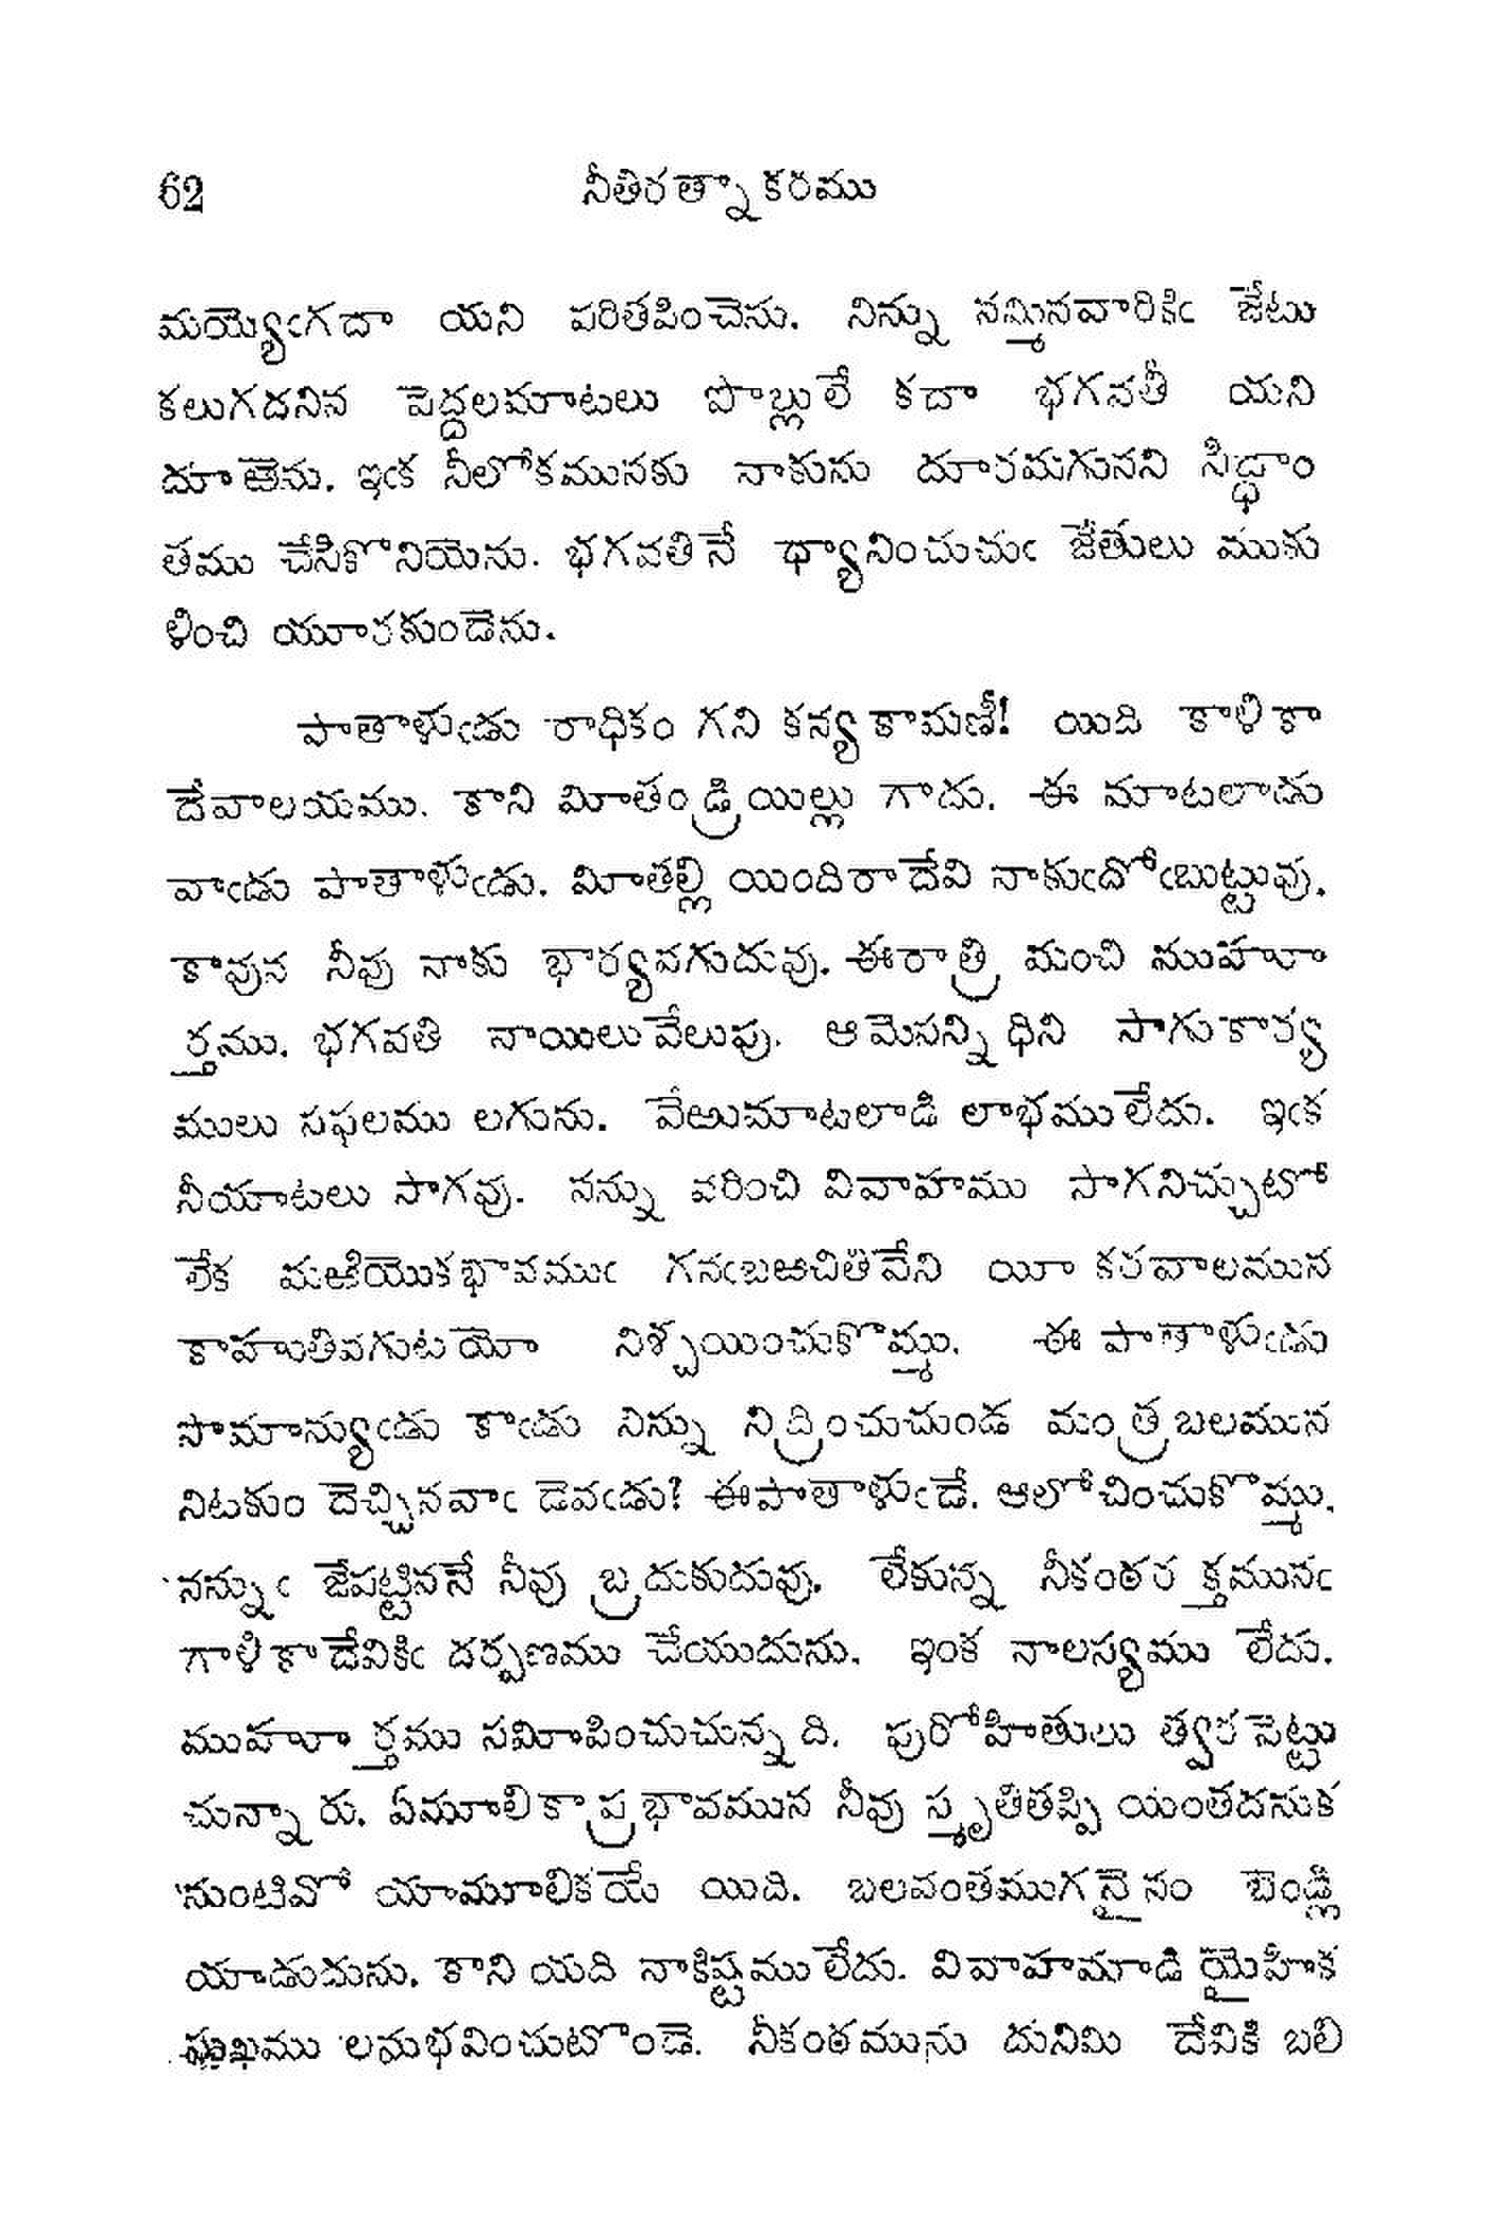మయ్యెఁగదా యని పరితపించెను. నిన్ను నమ్మినవారికిఁ జేటు కలుగదనిన పెద్దలమాటలు పొల్లులే కదా భగవతీ యని దూఱెను. ఇఁక నీలోకమునకు నాకును దూరమగునని సిద్దాంతము చేసికొనియెను. భగవతినే ధ్యానించుచుఁ జేతులు ముకుళించి యూరకుండెను. 

పాతాళుడు రాధికం గని కన్యకామణీ! యిది కాళికా దేవాలయము. కాని మీతండ్రియిల్లు గాదు. ఈ మాటలాడు వాఁడు పాతాళుఁడు. మీతల్లి యిందిరా దేవి నాకుఁదోఁబుట్టువు. కావున నీవు నాకు భార్య వగుదువు. ఈ రాత్రి మంచి ముహూ ర్తము. భగవతి నాయిలువేలుపు. ఆమె సన్నిధిని సాగు కార్యములు సఫలము లగును. వేఱుమాటలాడి లాభము లేదు. ఇఁక నీయాటలు సాగవు. నన్ను వరించి వివాహము సాగనిచ్చుటో లేక మఱియొక భావముఁ గనఁ బఱచితివేని యీ కరవాలమున కాహుతివగుటయో నిశ్చయించుకొమ్ము. ఈ పాతాళుఁడు సామాన్యుఁడు కాఁడు నిన్ను నిద్రించుచుండ మంత్ర బలమున నిటకుం దెచ్చినవాఁ డెవఁడు? ఈ పాతాళుఁడే. ఆలోచించుకొమ్ము. నన్నుఁ జేపట్టిననే నీవు బ్రదుకుదువు. లేకున్న నీకంఠర క్తమునఁ గాళికాదేవికిఁ దర్పణము చేయుదును. ఇంక నాలస్యము లేదు. ముహూర్తము సమీపించుచున్నది. పురోహితులు త్వర పెట్టు చున్నారు. ఏమూలికా ప్రభావమున నీవు స్మృతితప్పి యంతదనుక 'నుంటివో యామూలికయే యిది. బలవంతముగ నైనం బెండ్లి యాడుదును. కాని యది నాకిష్టము లేదు. వివాహమాడి యైహిక సుఖములనుభవించుటొండె. నీకంఠమును దునిమి 'దేవికి బలి